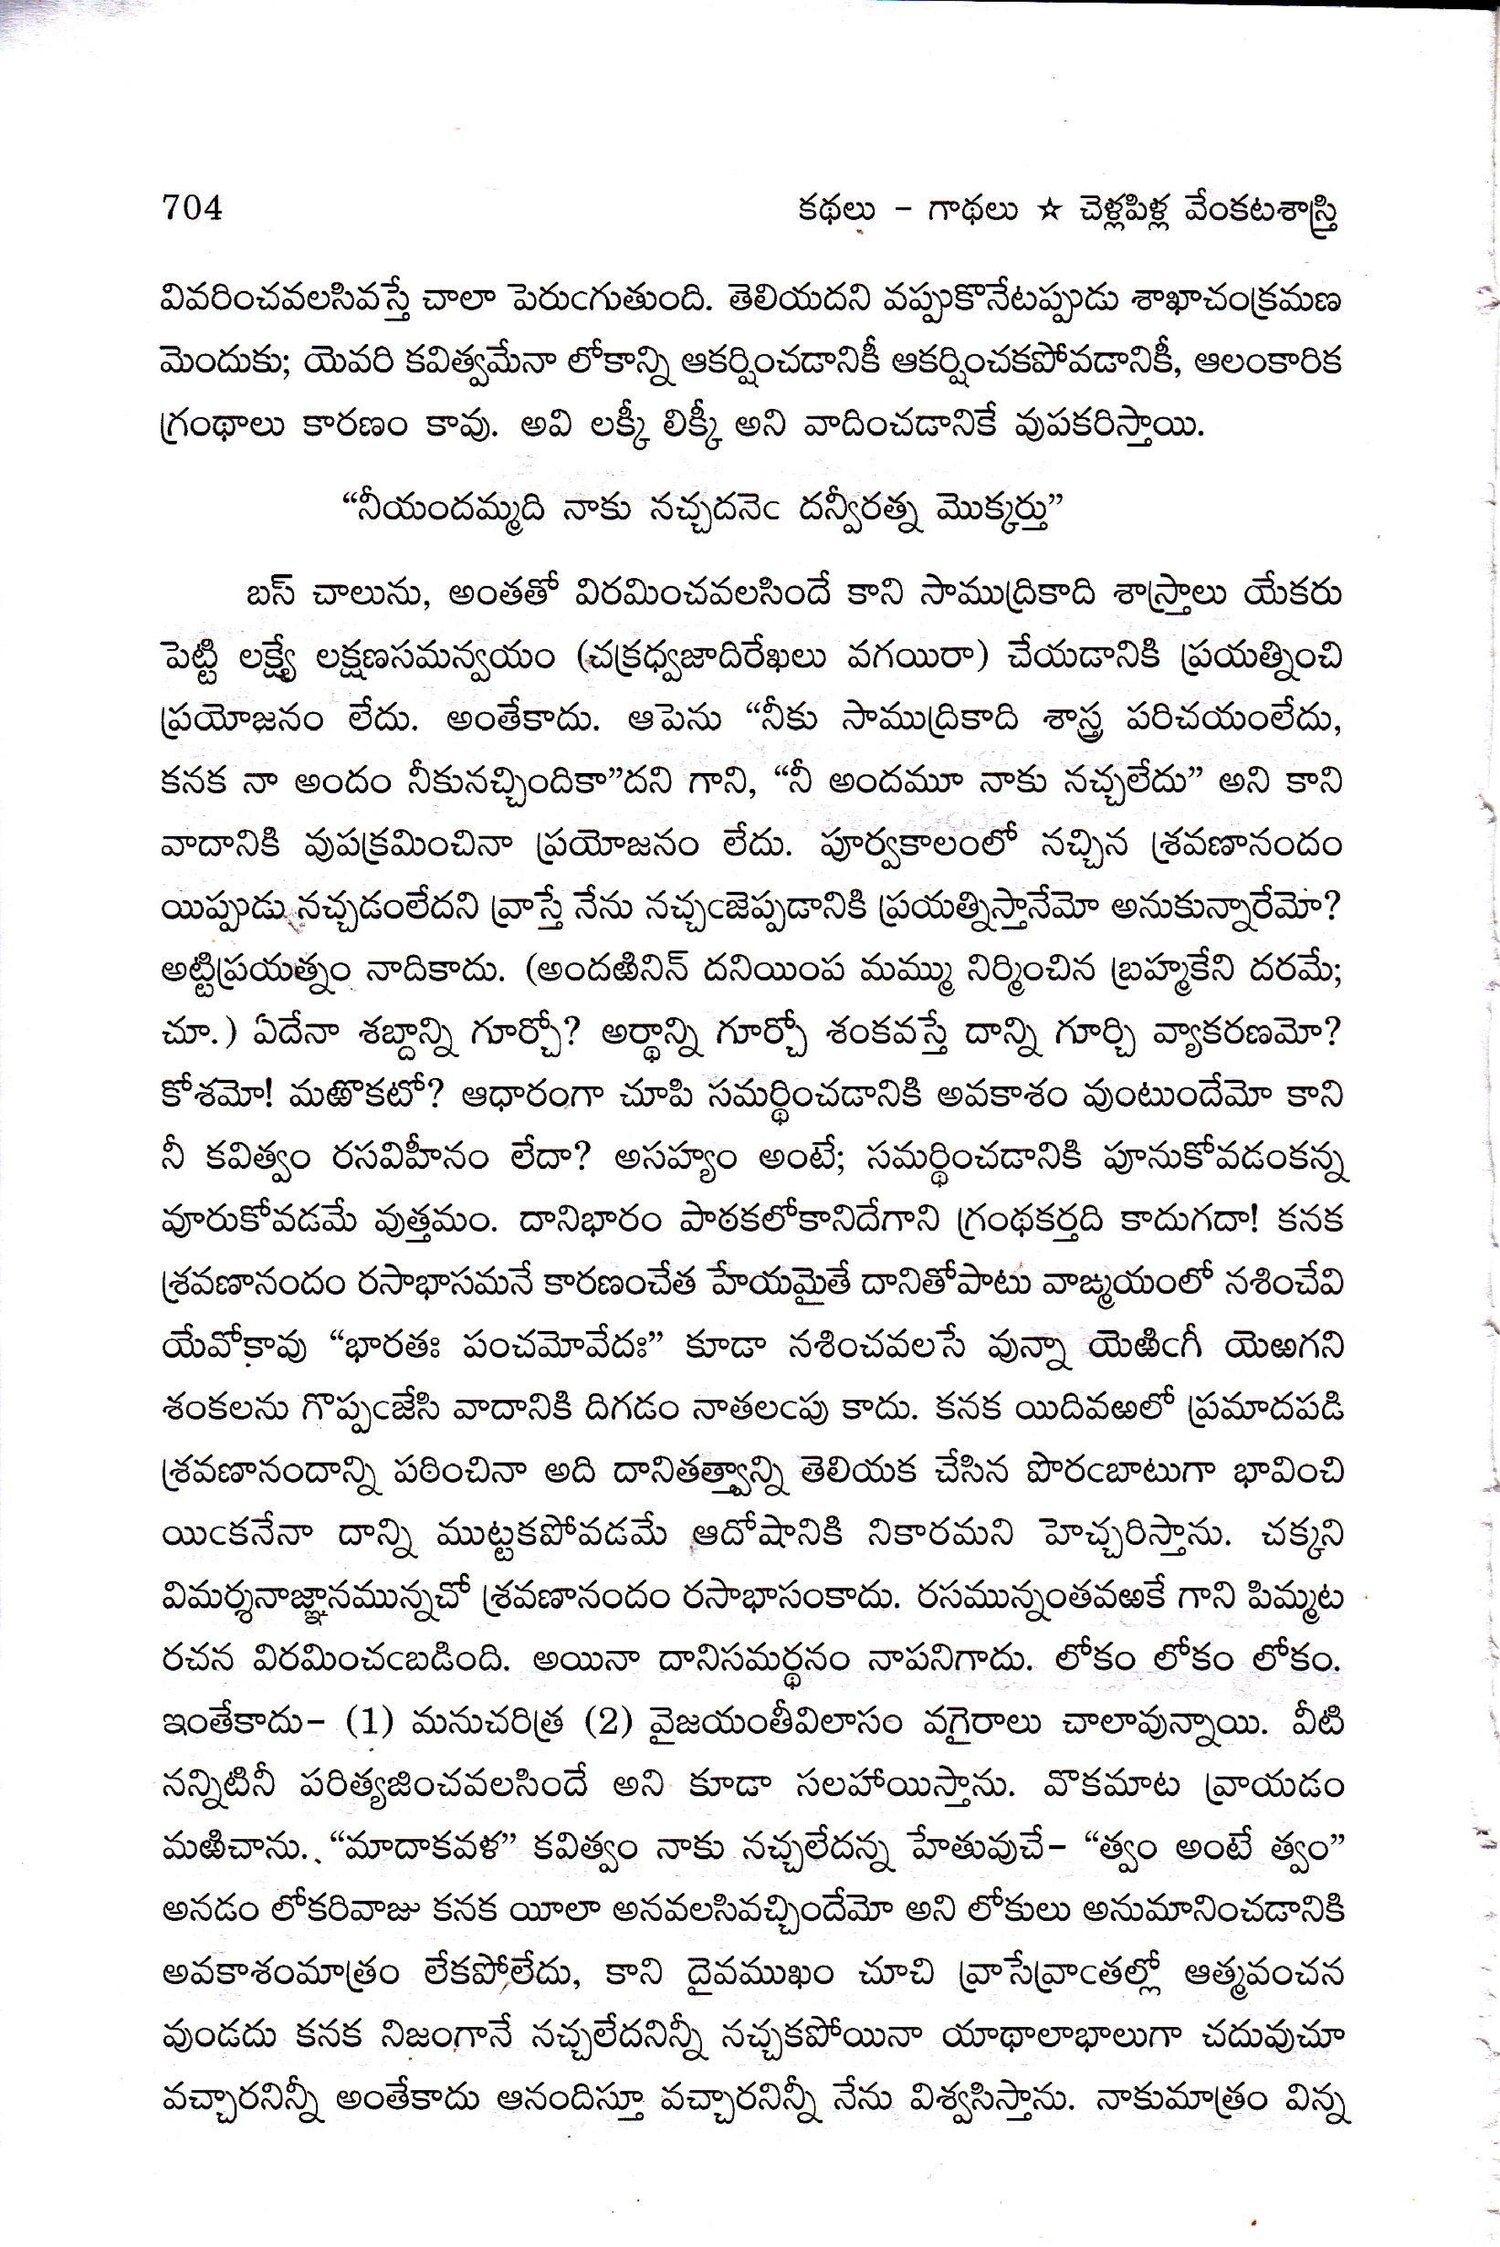వివరించవలసివస్తే చాలా పెరుఁగుతుంది. తెలియదని వప్పుకొనేటప్పుడు శాఖాచంక్రమణ మెందుకు; యెవరి కవిత్వమేనా లోకాన్ని ఆకర్షించడానికీ ఆకర్షించకపోవడానికీ, ఆలంకారిక గ్రంథాలు కారణం కావు. అవి లక్కీ లిక్కీ అని వాదించడానికే వుపకరిస్తాయి.

"నీయందమ్మది నాకు నచ్చదనెఁ దన్వీరత్న మొక్కర్తు"
బస్ చాలును, అంతతో విరమించవలసిందే కాని సాముద్రికాది శాస్త్రాలు యేకరు పెట్టి లక్ష్యే లక్షణసమన్వయం (చక్రధ్వజాదిరేఖలు వగయిరా) చేయడానికి ప్రయత్నించి ప్రయోజనం లేదు. అంతేకాదు. ఆపెను “నీకు సాముద్రికాది శాస్త్ర పరిచయంలేదు, కనక నా అందం నీకునచ్చిందికా"దని గాని, “నీ అందమూ నాకు నచ్చలేదు" అని కాని వాదానికి వుపక్రమించినా ప్రయోజనం లేదు. పూర్వకాలంలో నచ్చిన శ్రవణానందం యిప్పుడు నచ్చడంలేదని వ్రాస్తే నేను నచ్చఁజెప్పడానికి ప్రయత్నిస్తానేమో అనుకున్నారేమో? అట్టిప్రయత్నం నాదికాదు. (అందఱినిన్ దనియింప మమ్ము నిర్మించిన బ్రహ్మకేని దరమే; చూ.) ఏదేనా శబ్దాన్ని గూర్చో? అర్థాన్ని గూర్చో శంకవస్తే దాన్ని గూర్చి వ్యాకరణమో? కోశమో! మఱొకటో? ఆధారంగా చూపి సమర్ధించడానికి అవకాశం వుంటుందేమో కాని నీ కవిత్వం రసవిహీనం లేదా? అసహ్యం అంటే; సమర్ధించడానికి పూనుకోవడంకన్న వూరుకోవడమే వుత్తమం. దానిభారం పాఠకలోకానిదేగాని గ్రంథకర్తది కాదుగదా! కనక శ్రవణానందం రసాభాసమనే కారణంచేత హేయమైతే దానితోపాటు వాఙ్మయంలో నశించేవి యేవోకావు “భారతః పంచమోవేదః" కూడా నశించవలసే వున్నా యెఱిఁగీ యెఱగని శంకలను గొప్పఁజేసి వాదానికి దిగడం నాతలఁపు కాదు. కనక యిదివఱలో ప్రమాదపడి శ్రవణానందాన్ని పఠించినా అది దానితత్త్వాన్ని తెలియక చేసిన పొరఁబాటుగా భావించి యిఁకనేనా దాన్ని ముట్టకపోవడమే ఆదోషానికి నికారమని హెచ్చరిస్తాను. చక్కని విమర్శనాజ్ఞానమున్నచో శ్రవణానందం రసాభాసంకాదు. రసమున్నంతవఱకే గాని పిమ్మట
రచన విరమించఁబడింది. అయినా దానిసమర్ధనం నాపనిగాదు. లోకం లోకం లోకం. ఇంతేకాదు- (1) మనుచరిత్ర (2) వైజయంతీవిలాసం వగైరాలు చాలావున్నాయి. వీటి నన్నిటినీ పరిత్యజించవలసిందే అని కూడా సలహాయిస్తాను. వొకమాట వ్రాయడం మఱిచాను. “మాదాకవళ" కవిత్వం నాకు నచ్చలేదన్న హేతువుచే– “త్వం అంటే త్వం” అనడం లోకరివాజు కనక యీలా అనవలసివచ్చిందేమో అని లోకులు అనుమానించడానికి అవకాశంమాత్రం లేకపోలేదు, కాని దైవముఖం చూచి వ్రాసేవ్రాఁతల్లో ఆత్మవంచన వుండదు కనక నిజంగానే నచ్చలేదనిన్నీ నచ్చకపోయినా యాథాలాభాలుగా చదువుచూ వచ్చారనిన్నీ అంతేకాదు ఆనందిస్తూ వచ్చారనిన్నీ నేను విశ్వసిస్తాను. నాకుమాత్రం విన్న